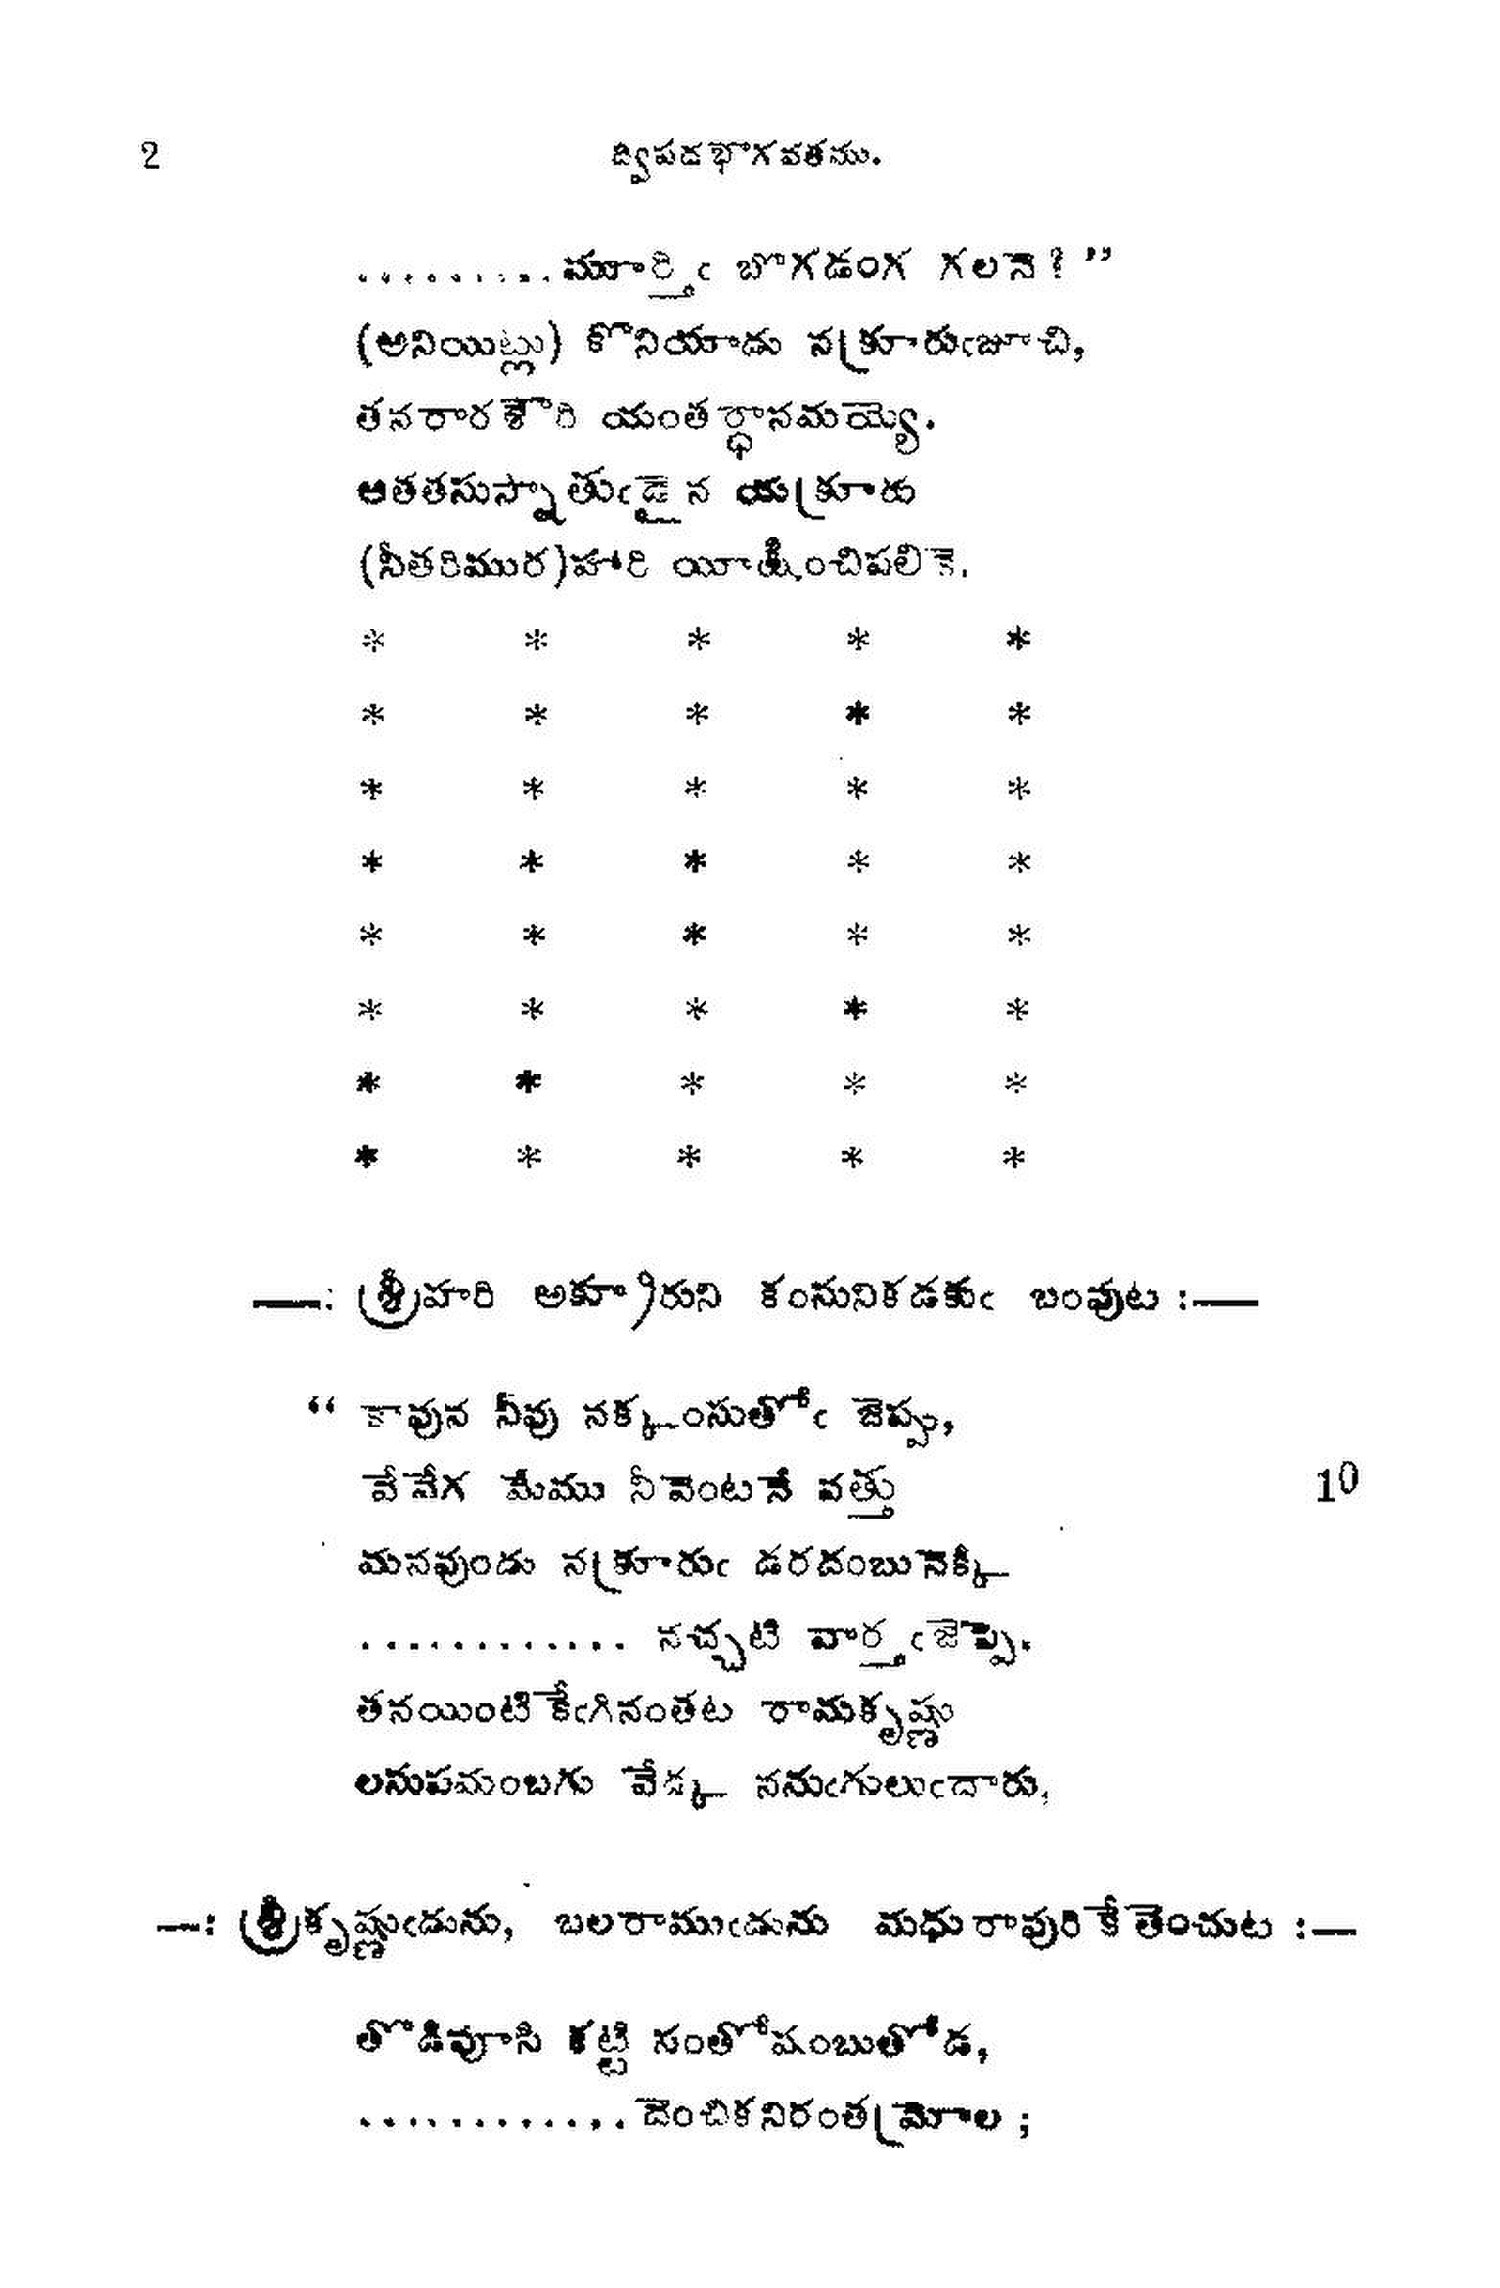………………… మూర్తిఁ బొగడగ గలనె?”
అని యిట్లు కొనియాడు నక్రూరుఁ జూచి, 
తనరార శౌరి యంతర్ధానమయ్యె. 
ఆతత సుస్నాతుఁడైన యక్రూరు
నీతరి మురహరి యీక్షించి పలికె
…………………………………………
…………………………………………
…………………………………………
……………………………………………
…………………………………………
……………………………………………
……………………………………………
……………………………………………

“కావున నీవు నక్కంసుతోఁ జెప్పు, 
వేవేగ మేము నీ వెంటనే వత్తు” 
మనవుండు నక్రూరుఁ డరదంబు నెక్కి.
…………………………… నచ్చటి వార్తఁ జెప్పె.
తన యింటి కేఁగినంతట రామకృష్ణు
లనుపమం బగు వేడ్క ననుఁగులుఁ దారు.

తొడిపూసి కట్టి సంతోషంబుతోడ, 
………………………… దెంచి కని రంతమ్రోల;